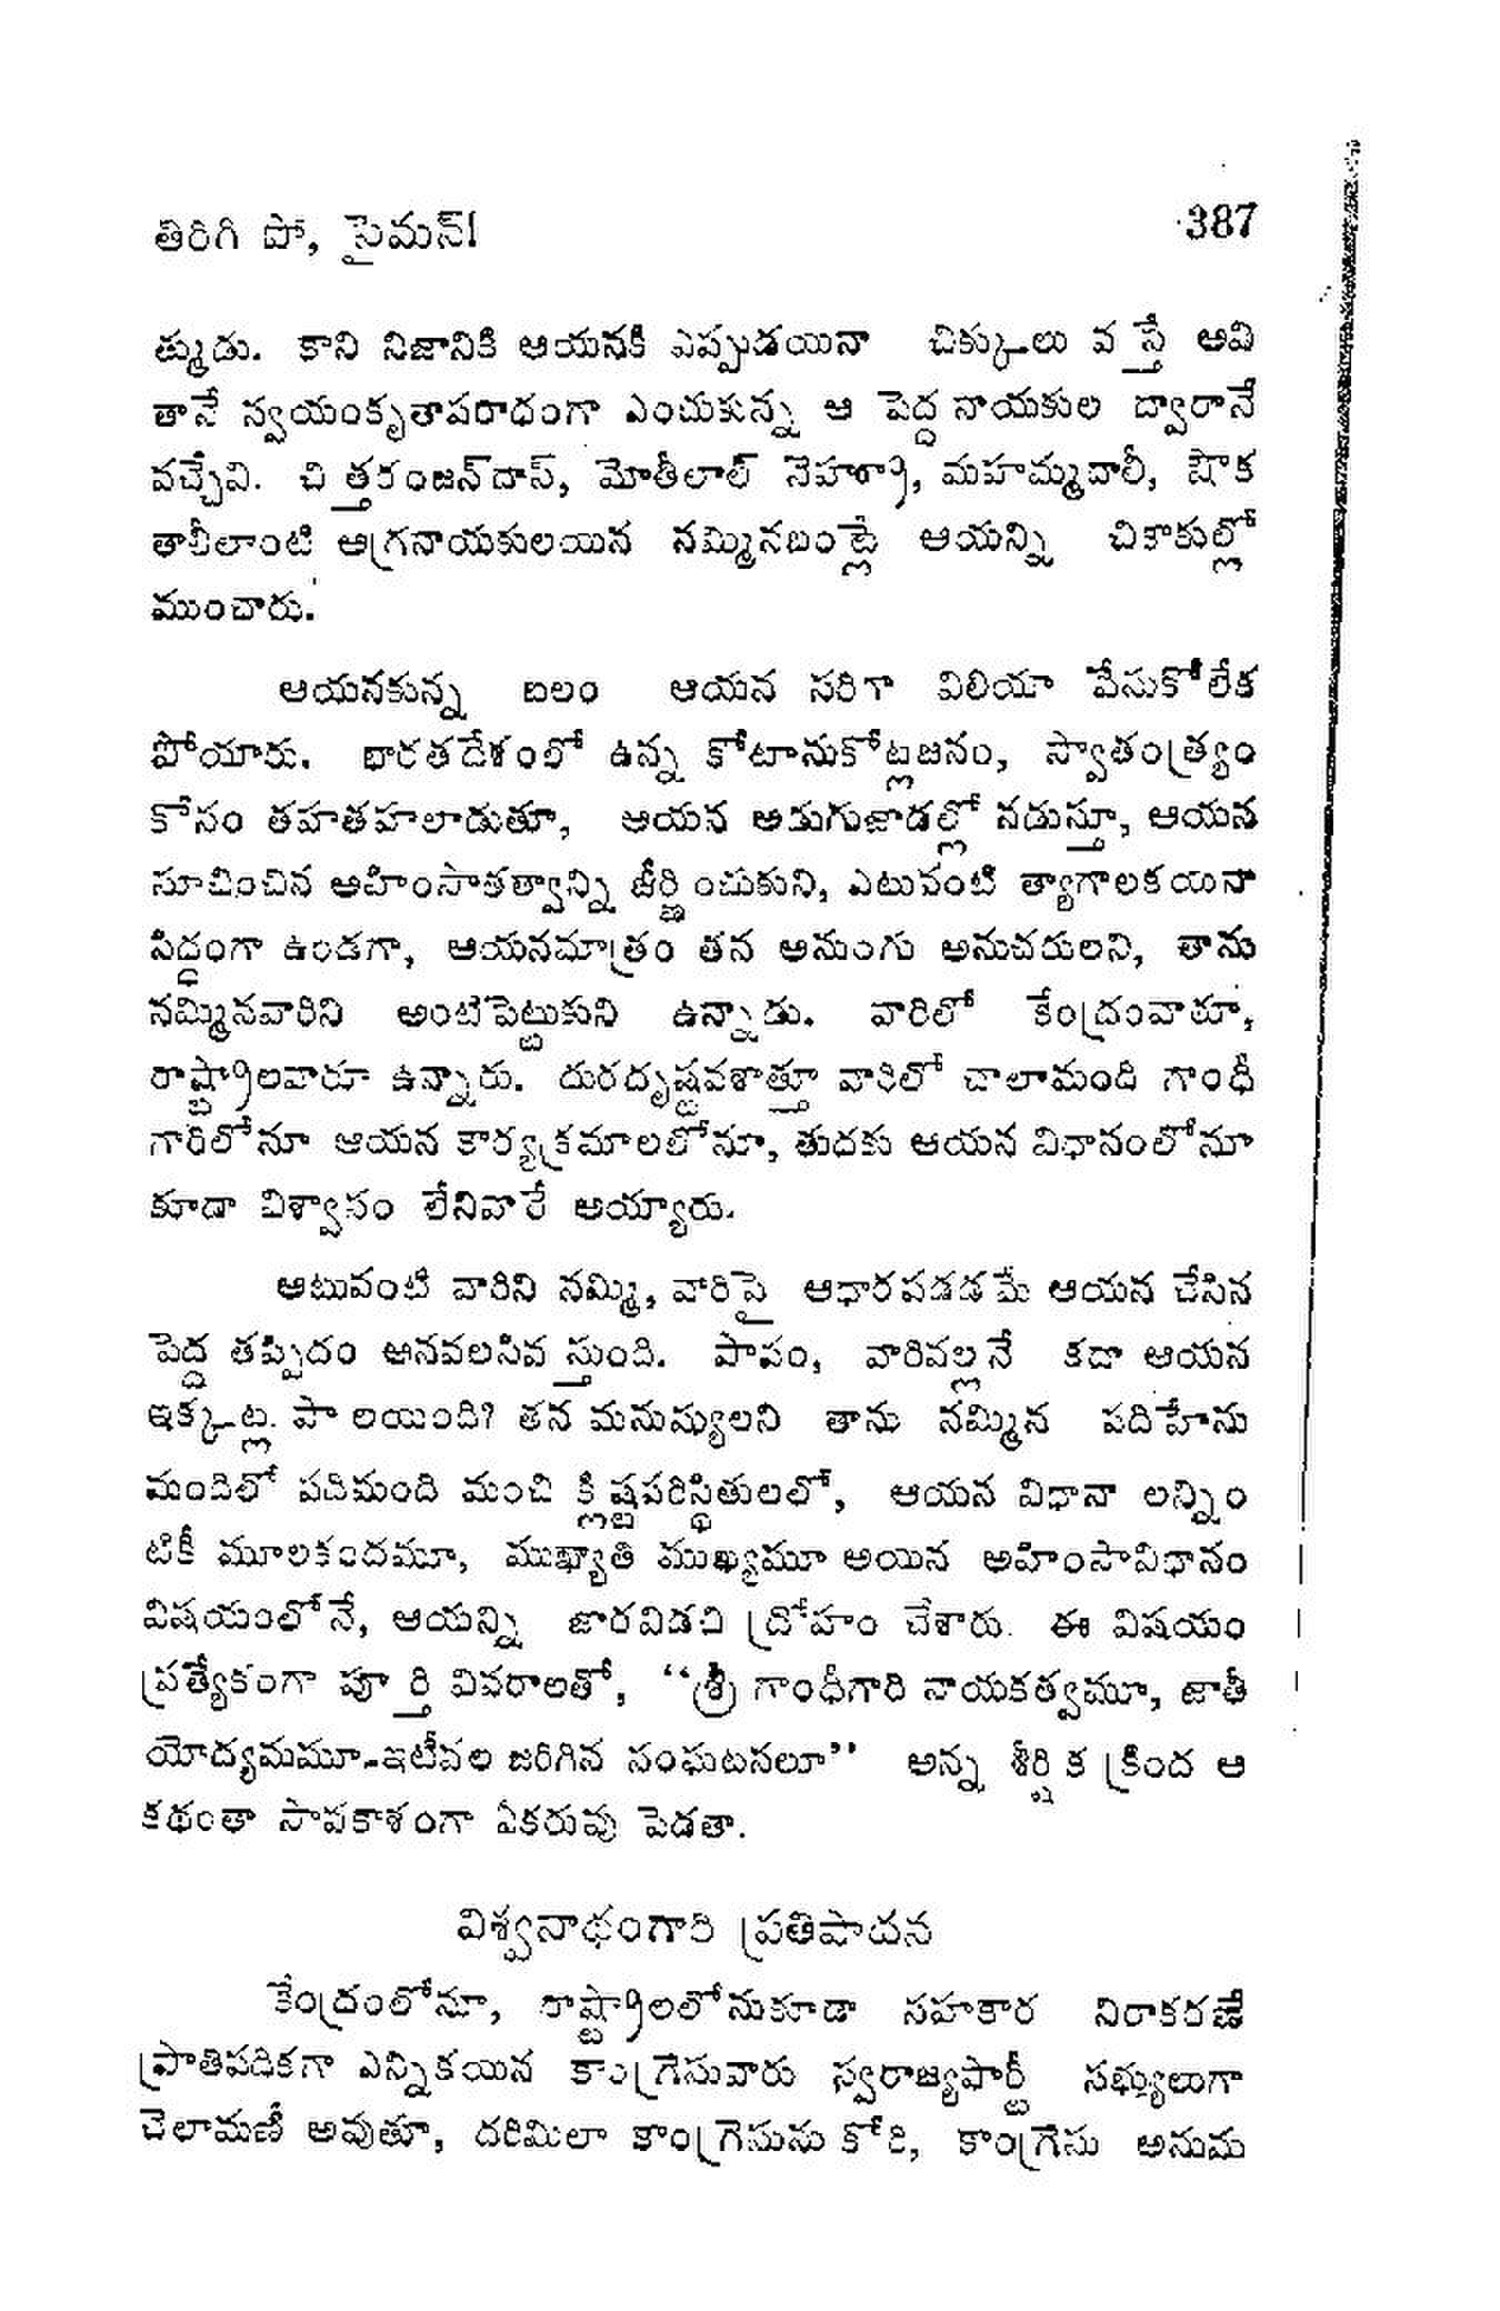త్ముడు. కాని నిజానికి ఆయనకి ఎప్పుడయినా చిక్కులు వస్తే అవి తానే స్వయంకృతాపరాధంగా ఎంచుకున్న ఆ పెద్ద నాయకుల ద్వారానే వచ్చేవి. చిత్తరంజన్‌దాస్, మోతిలాల్ నెహ్రూ, మహమ్మదాలీ, షౌకతాలీలాంటి, అగ్ర నాయకులయిన నమ్మినబంట్లే ఆయన్ని చికాకుల్లో ముంచారు.

ఆయనకున్న బలం ఆయన సరిగా విలియా వేసుకోలేక పోయారు. భారత దేశంలో ఉన్న కోటానుకోట్లజనం, స్వాతంత్ర్యంకోసం తహతహలాడుతూ, ఆయన అడుగుజాడల్లో నడుస్తూ, ఆయన సూచించిన అహింసాతత్వాన్ని జీర్ణించుకుని, ఎటువంటి త్యాగాలకయినా సిద్ధంగా ఉండగా, ఆయనమాత్రం తన అనుంగు అనుచరులని, తాను నమ్మినవారిని అంటిపెట్టుకుని ఉన్నాడు. వారిలో కేంద్రంవారూ, రాష్ట్రాలవారూ ఉన్నారు. దురదృష్టవశాత్తూ వారిలో చాలా మంది గాంధీగారిలోనూ ఆయన కార్యక్రమాలలోనూ, తుదకు ఆయన విధానం లోనూ కూడా విశ్వాసం లేనివారే అయ్యారు.

అటువంటి వారిని నమ్మి, వారిపై ఆధారపడడమే ఆయన చేసిన పెద్ద తప్పిదం అనవలసివస్తుంది. పాపం, వారివల్లనే కదా ఆయన ఇక్కట్ల పాలయింది? తన మనుష్యులని తాను నమ్మిన పదిహేనుమందిలో పదిమంది మంచి క్లిష్ట పరిస్థితులలో, ఆయన విధానా లన్నింటికీ మూలకందమూ, ముఖ్యాతి ముఖ్యమూ అయిన అహింసావిధానం విషయంలోనే, ఆయన్ని జారవిడిచి ద్రోహం చేశారు. ఈ విషయం ప్రత్యేకంగా పూర్తి వివరాలతో, "శ్రీ గాంధీగారి నాయకత్వమూ, జాతీయోద్యమమూ - ఇటీవల జరిగిన సంఘటనలూ" అన్న శీర్షిక క్రింద ఆ కథంతా సావకాశంగా ఏకరువు పెడతా.

కేంద్రంలోనూ, రాష్ట్రాలలోనుకూడా సహకార నిరాకరణే ప్రాతిపదికగా ఎన్నికయిన కాంగ్రెసువారు స్వరాజ్యపార్టీ సభ్యులుగా చెలామణీ అవుతూ, దరిమిలా కాంగ్రెసును కోరి, కాంగ్రెసు అనుమ